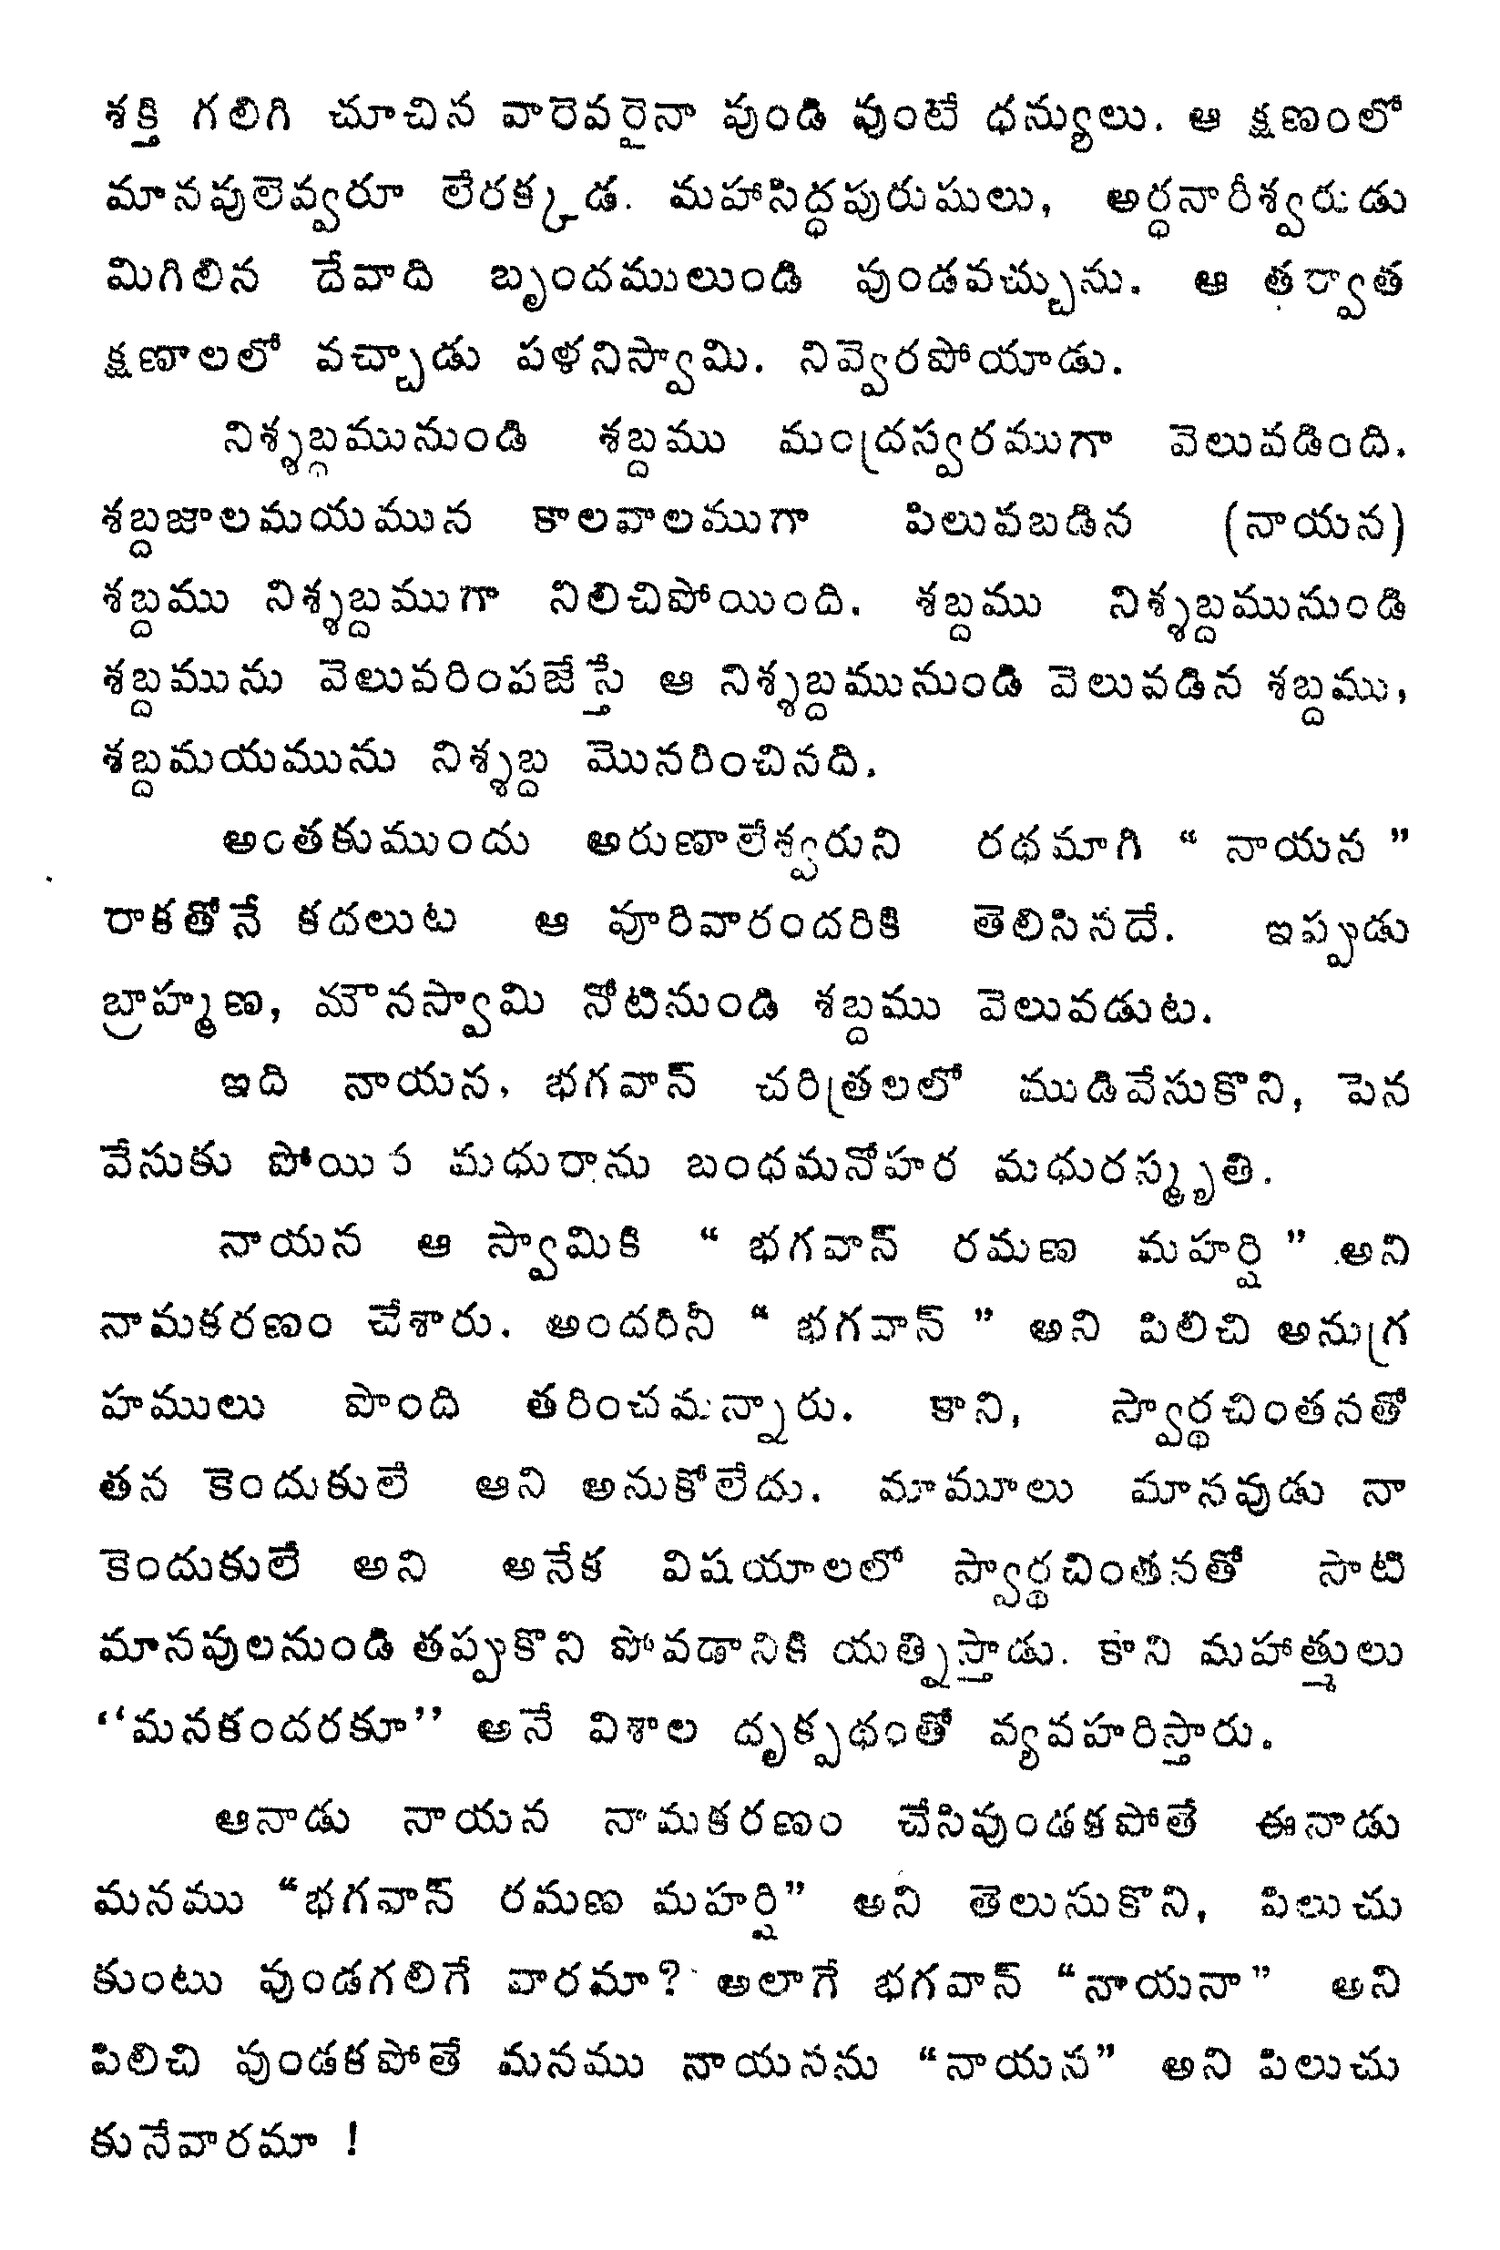శక్తి గలిగి చూచిన వారెవరైనా వుండి వుంటే ధన్యులు. ఆ క్షణంలో మానవులెవ్వరూ లేరక్కడ. మహాసిద్ధపురుషులు, అర్ధనారీశ్వరుడు మిగిలిన దేవాది బృందములుండి వుండవచ్చును. అ తర్వాత క్షణాలలో వచ్చాడు పళనిస్వామి. నివ్వెరపోయాడు.

నిశ్శబ్దమునుండి శబ్దము మంద్రస్వరముగా వెలువడింది. శబ్దజాలమయమున కాలవాలముగా పిలువబడిన (నాయన) శబ్దము నిశ్శబ్దముగా నిలిచిపోయింది. శబ్దము నిశ్శబ్దమునుండి శబ్దమును వెలువరింపజేస్తే ఆ నిశ్శబ్దమునుండి వెలువడిన శబ్దము, శబ్దమయమును నిశ్శబ్ద మొనరించినది.

అంతకుముందు అరుణాలేశ్వరుని రథమాగి "నాయన" రాకతోనే కదలుట ఆ వూరివారందరికి తెలిసినదే. ఇప్పుడు బ్రాహ్మణ, మౌనస్వామి నోటినుండి శబ్దము వెలువడుట.

ఇది నాయన. భగవాన్ చరిత్రలలో ముడివేసుకొని, పెనవేసుకు పోయిన మధురాను బంధమనోహర మధురస్మృతి.

నాయన ఆ స్వామికి "భగవాన్ రమణ మహర్షి" అని నామకరణం చేశారు. అందరినీ "భగవాన్" అని పిలిచి అనుగ్రహములు పొంది తరించమన్నారు. కాని, స్వార్థచింతనతో తన కెందుకులే అని అనుకోలేదు. మామూలు మానవుడు నా కెందుకులే అని అనేక విషయాలలో స్వార్థచింతనతో సాటి మానవులనుండి తప్పుకొని పోవడానికి యత్నిస్తాడు. కాని మహాత్ములు "మనకందరకూ" అనే విశాల దృక్పథంతో వ్యవహరిస్తారు.

ఆనాడు నాయన నామకరణం చేసివుండకపోతే ఈనాడు మనము "భగవాన్ రమణ మహర్షి" అని తెలుసుకొని, పిలుచుకుంటు వుండగలిగే వారమా? అలాగే భగవాన్ "నాయనా" అని పిలిచి వుండకపోతే మనము నాయనను "నాయన' అని పిలుచుకునేవారమా !